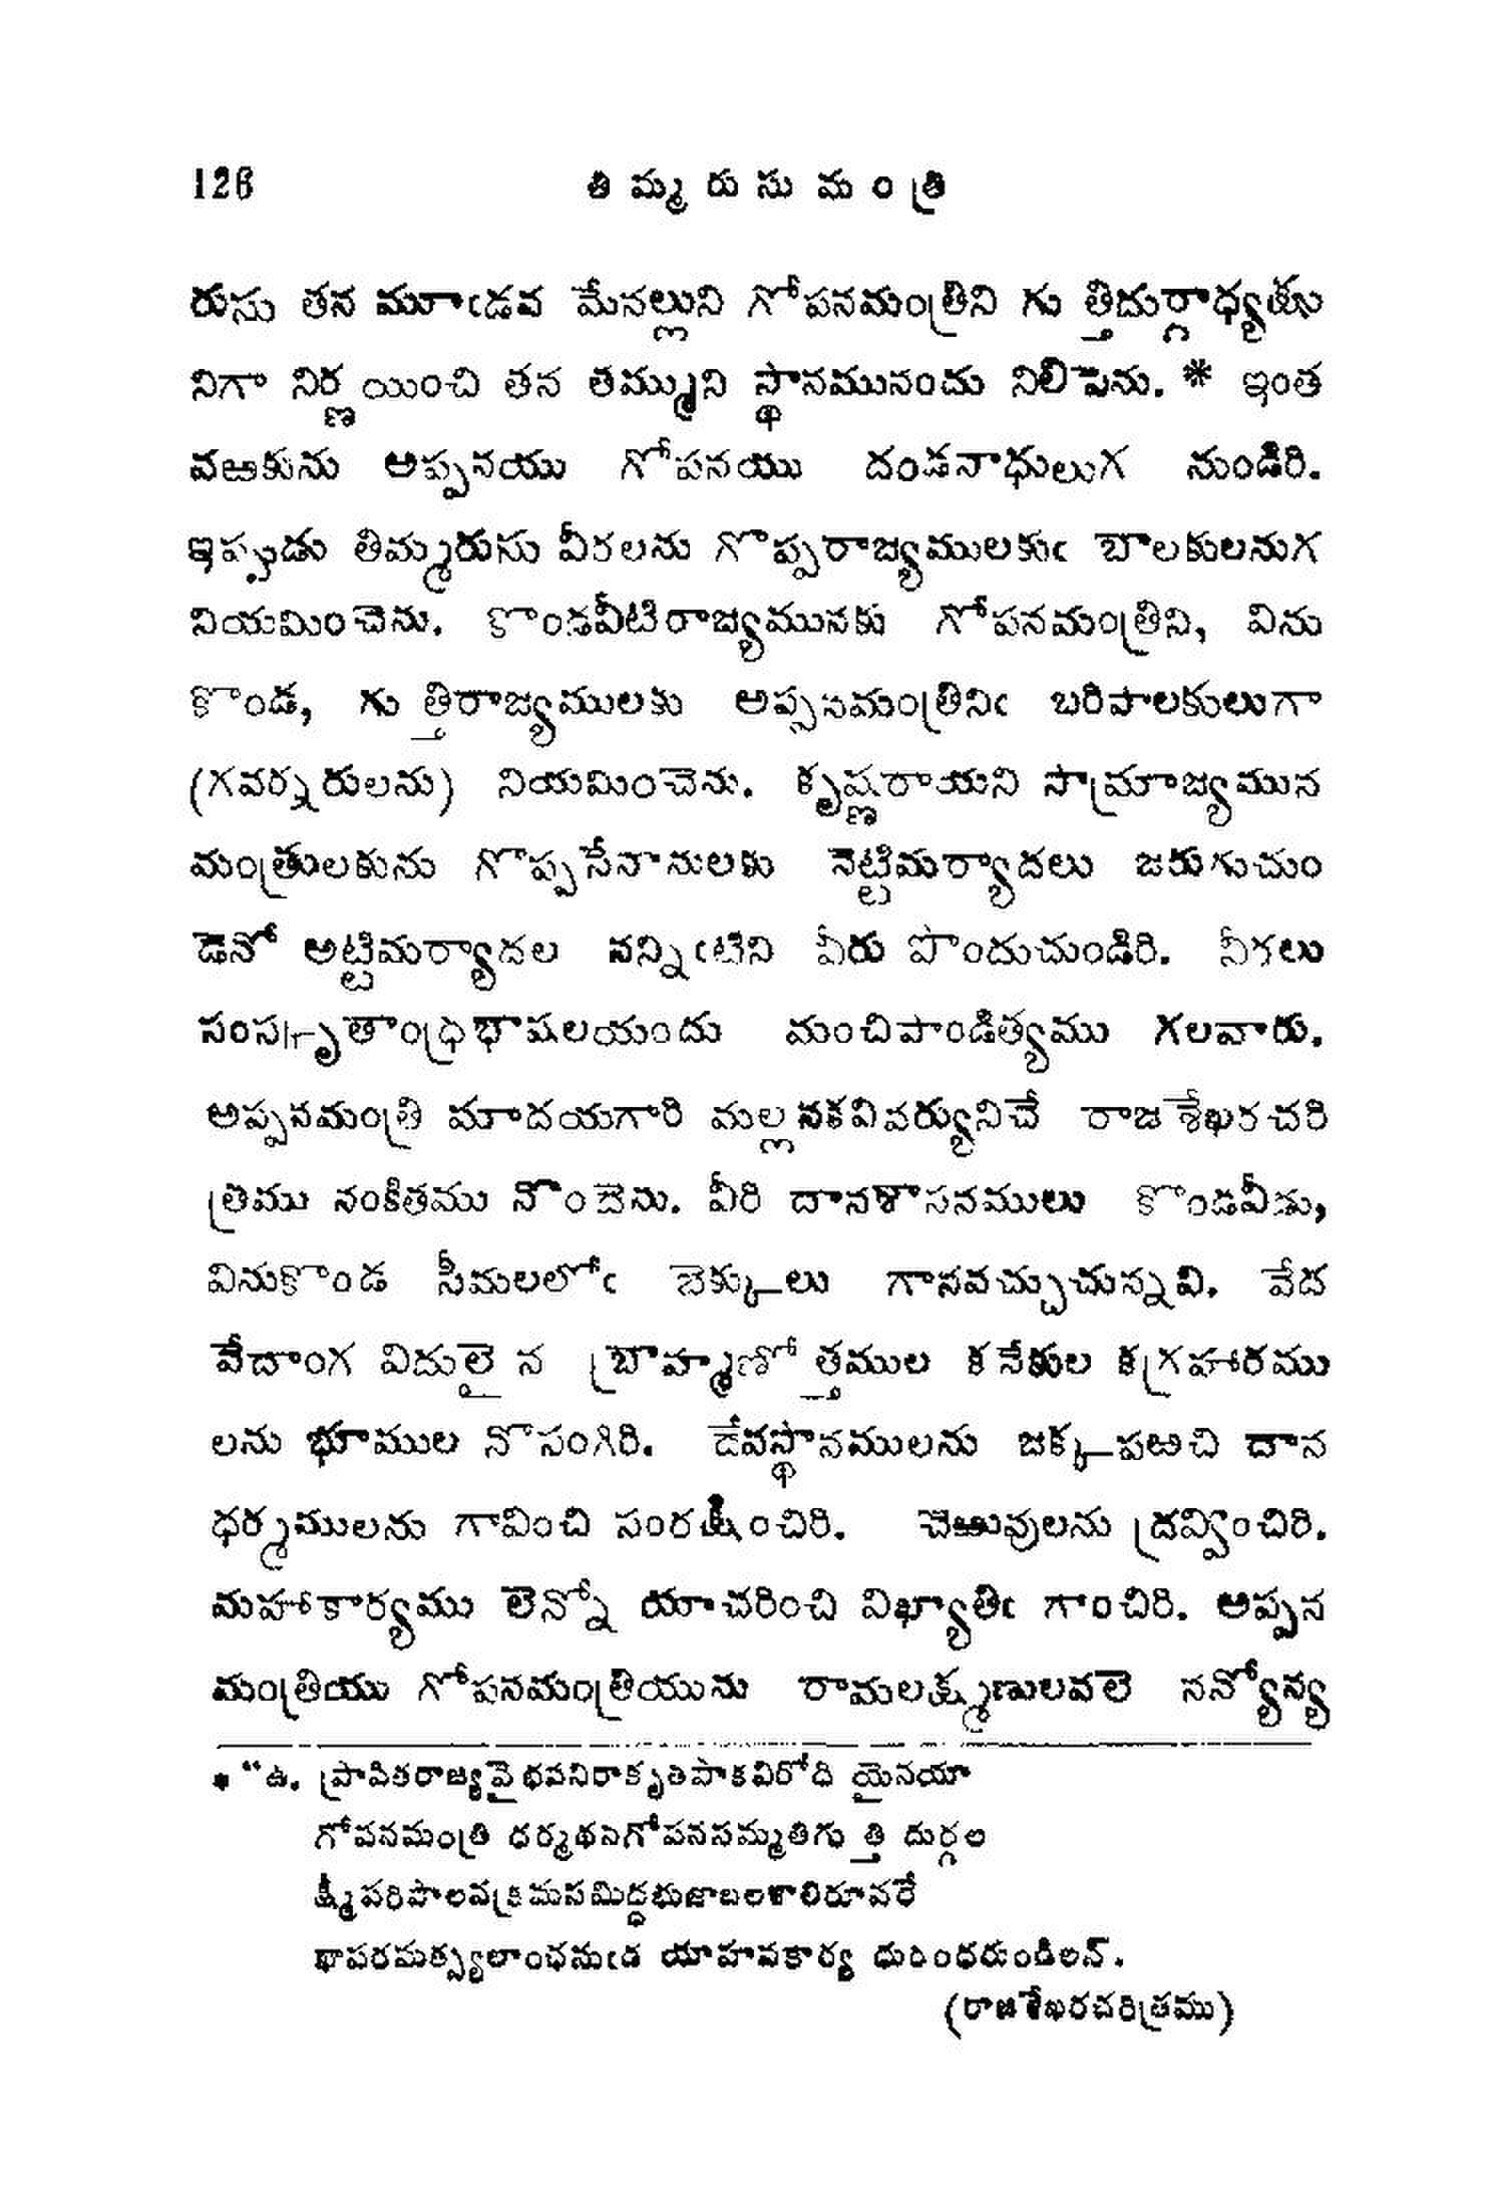రుసు తన మూఁడవ మేనల్లుని గోపనమంత్రిని గుత్తిదుర్గాధ్యక్షునిగా నిర్ణయించి తన తమ్ముని స్థానమునందు నిలిపెను. ఇంత వఱకును అప్పనయు గోపనయు దండనాధులుగ నుండిరి. ఇప్పుడు తిమ్మరుసు వీరలను గొప్పరాజ్యములకుఁ బాలకులనుగ నియమించెను. కొండవీటిరాజ్యమునకు గోపనమంత్రిని, వినుకొండ, గుత్తిరాజ్యములకు అప్పసమంత్రినిఁ బరిపాలకులుగా (గవర్నరులను) నియమించెను. కృష్ణరాయని సామ్రాజ్యమున మంత్రులకును గొప్ప సేనానులకు నెట్టిమర్యాదలు జరుగుచుండెనో అట్టిమర్యాదల నన్నిఁటిని వీరు పొందుచుండిరి. వీరలు సంసృతాంధ్రభాషలయందు మంచిపాండిత్యము గలవారు. అప్పనమంత్రి మాదయగారి మల్లనకవివర్యునిచే రాజశేఖరచరిత్రము నంకితము నొందెను. వీరి దానశాసనములు కొండవీడు, వినుకొండ సీమలలోఁ బెక్కులు గానవచ్చుచున్నవి. వేద వేదాంగ విదులైన బ్రాహ్మణోత్తముల కసేకుల కగ్రహారములను భూముల నొసంగిరి. దేవస్థానములను జక్కపఱచి దాన ధర్మములను గావించి సంరక్షించిరి. చేఱువులను ద్రవ్వించిరి. మహాకార్యము లెన్నో యాచరించి విఖ్యాతిఁ గాంచిరి. అప్పన మంత్రియు గోపనమంత్రియును రామలక్ష్మణులవలె నన్యోన్య